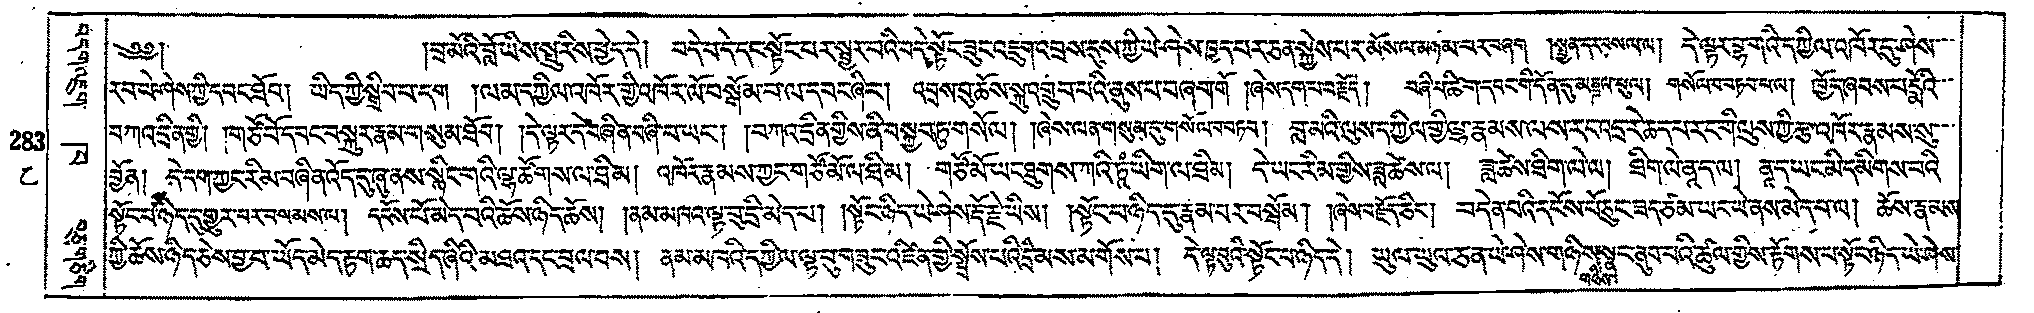༄༅། །ཕྲ་མོའི་བློ་ཡིས་སྤུ་རིས་ཕྱེད་དེ། བདེ་བ་དེ་དང་སྟོང་པར་སྦྱར་བའི་བདེ་སྟོང་ཟུང་འཇུག་འབྲས་དུས་ཀྱི་ཡེ་ཤེས་ཁྱད་པར་ཅན་སྐྱེས་པར་མོས་ལ་མཉམ་པར་བཞག །སྤྱན་དར་བསལ་ལ།  དེ་ལྟར་བྷ་གའི་དཀྱིལ་འཁོར་དུ་ཤེས་་་
རབ་ཡེ་ཤེས་ཀྱི་དབང་ཐོབ། ཡིད་ཀྱི་སྒྲིབ་པ་དག །ལམ་དཀྱིལ་འཁོར་གྱི་འཁོར་ལོ་བསྒོམ་པ་ལ་དབང་ཞིང་། འབྲས་བུ་ཆོས་སྐུ་འགྲུབ་པའི་ནུས་པ་བཞག་གོ་།ཞེས་དག་པ་བརྗོད། བཞི་པ་ཚིག་དབང་གི་དོན་དུ་མཎྜལ་ཕུལ། གསོལ་བ་བཏབ་པ་ལ།  ཁྱོད་ཞབས་པདམོའི་་་
བཀའ་དྲིན་གྱི། །གཙོ་བོ་དབང་བསྐུར་རྣམ་གསུམ་ཐོབ། །དེ་ལྟར་དེ་བཞིན་བཞི་པ་ཡང་། །བཀའ་དྲིན་གྱིས་ནི་བསྐྱབ་ཏུ་གསོལ། །ཞེས་ལན་གསུམ་དུ་གསོལ་བ་བཏབ།  བླ་མའི་ལུས་དཀྱིལ་གྱི་ལྷ་རྣམས་ལས་རང་འདྲ་རེ་ཆད་པ་རང་གི་ལུས་ཀྱི་རྩ་འཁོར་རྣམས་སུ་་་
བྱོན། དེ་དག་ཀྱང་རིམ་བཞིན་འོད་དུ་ཞུ་ནས་སྙིང་གའི་ལྷ་ཚོགས་ལ་ཐིམ། འཁོར་རྣམས་ཀྱང་གཙོ་མོ་ལ་ཐིམ། གཙོ་མོ་ཡང་ཐུགས་ཀའི་ཏཱཾ་ཡིག་ལ་ཐིམ། དེ་ཡང་རིམ་གྱིས་ཟླ་ཚེ་ལ། ཟླ་ཚེས་ཐིག་ལེ་ལ། ཐིག་ལེ་ནཱ་ད་ལ། ནཱ་ད་ཡང་མི་དམིགས་པའི་
སྟོང་པ་ཉིད་དུ་གྱུར་པར་བསམས་ལ། དངོས་པོ་མེད་པའི་ཆོས་ཉིད་ཆོས། །ནམ་མཁའ་ལྟ་བུ་དྲི་མེད་པ། །སྟོང་ཉིད་ཡེ་ཤེས་རྡོ་རྗེ་ཡིས། །སྟོང་པ་ཉིད་དུ་རྣམ་པར་བསྒོམ། །ཞེས་བརྗོད་ཅིང་། བདེན་པའི་དངོས་པོ་ཅུང་ཟད་ཙམ་ཡང་ཡེ་ནས་མེད་པ་ལ། ཆོས་རྣམས་
ཀྱི་ཆོས་ཉིད་ཅེས་བྱ་བ་ཡོད་མེད་རྟག་ཆད་སྲིད་ཞིའི་མཐའ་དང་བྲལ་བས། ནམ་མཁའི་དཀྱིལ་ལྟ་བུ་གཟུང་འཛིན་གྱི་སྤྲོས་པའི་དྲི་མས་མ་གོས་པ། དེ་ལྟ་བུའི་སྟོང་པ་ཉིད་དེ། ཡུལ་ཡུལ་ཅན་ཡེ་ཤེས་གཉིས་གཉིས་སྣང་ནུབ་པའི་ཚུལ་གྱིས་རྟོགས་པ་སྟོང་ཉིད་ཡེ་ཤེས་